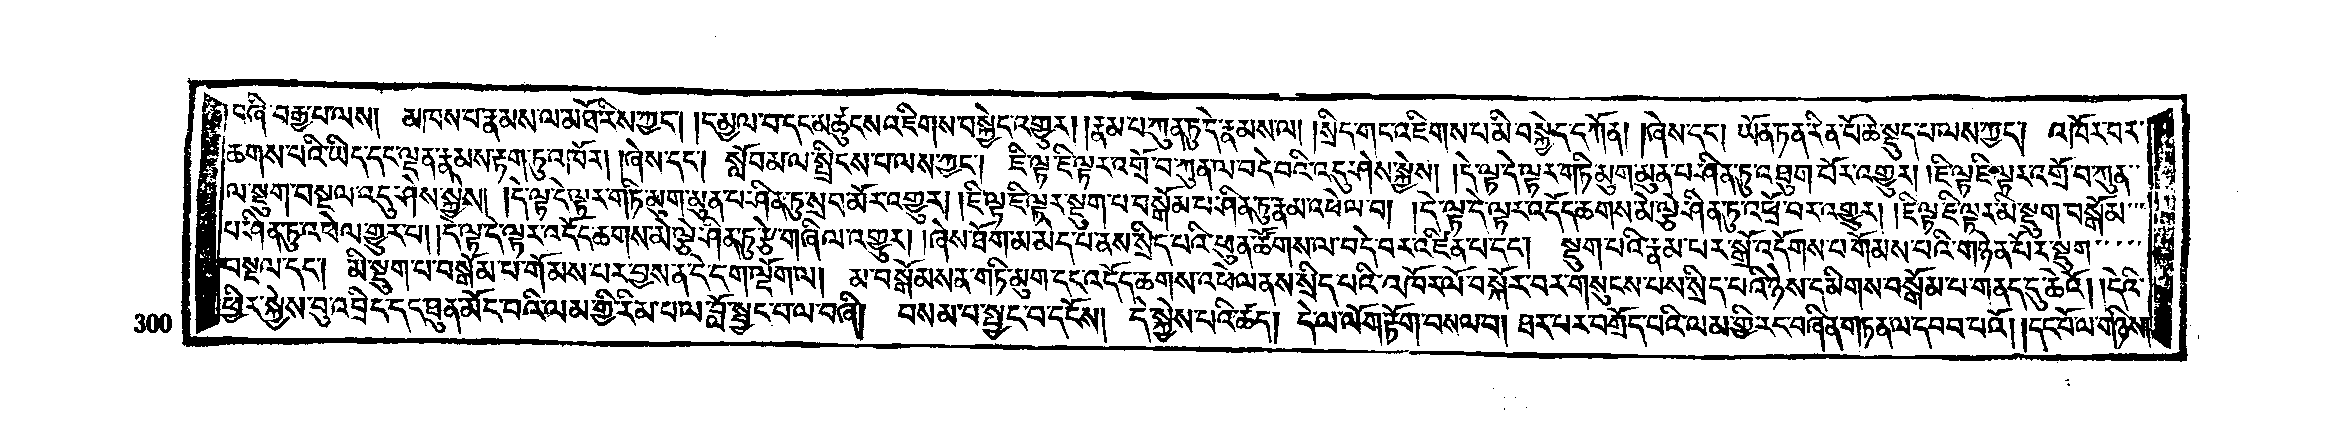བཞི་བརྒྱ་པ་ལས། མཁས་པ་རྣམས་ལ་མཐོ་རིས་ཀྱང་། །དམྱལ་བ་དང་མཚུངས་འཇིགས་བསྐྱེད་འགྱུར། །རྣམ་པ་ཀུན་ཏུ་དེ་རྣམས་ལ། །སྲིད་གང་འཇིགས་པ་མི་བསྐྱེད་དཀོན། །ཞེས་དང་། ཡོན་ཏན་རིན་པོ་ཆེ་སྡུད་པ་ལས་ཀྱང་། འཁོར་བར་
ཆགས་པའི་ཡིད་དང་ལྡན་རྣམས་རྟག་ཏུ་འཁོར། །ཞེས་དང་། སློབ་མ་ལ་སྤྲིངས་པ་ལས་ཀྱང་། ཇི་ལྟ་ཇི་ལྟར་འགྲོ་བ་ཀུན་ལ་བདེ་བའི་འདུ་ཤེས་སྐྱེས། །དེ་ལྟ་དེ་ལྟར་གཏི་མུག་མུན་པ་ཤིན་ཏུ་འཐུག་པོར་འགྱུར། །ཇི་ལྟ་ཇི་ལྟར་འགྲོ་བ་ཀུན་
ལ་སྡུག་བསྔལ་འདུ་ཤེས་སྐྱེས། །དེ་ལྟ་དེ་ལྟར་གཏི་མུག་མུན་པ་ཤིན་ཏུ་སྲབ་མོར་འགྱུར། །ཇི་ལྟ་ཇི་ལྟར་སྡུག་པ་བསྒོམ་པ་ཤིན་ཏུ་རྣམ་འཕེལ་བ། །དེ་ལྟ་དེ་ལྟར་འདོད་ཆགས་མེ་ལྕེ་ཤིན་ཏུ་འཕྲོ་བར་འགྱུར། །ཇི་ལྟ་ཇི་ལྟར་མི་སྡུག་བསྒོམ་
པ་ཤིན་ཏུ་འཕེལ་གྱུར་པ། །དེ་ལྟ་དེ་ལྟར་འདོད་ཆགས་མེ་ལྕེ་ཤིན་ཏུ་རྩེ་གཞིལ་འགྱུར། །ཞེས་ཐོག་མ་མེད་པ་ནས་སྲིད་པའི་ཕུན་ཚོགས་ལ་བདེ་བར་འཛིན་པ་དང་། སྡུག་པའི་རྣམ་པར་སྒྲོ་འདོགས་པ་གོམས་པའི་གཉེན་པོར་སྡུག་
བསྔལ་དང་། མི་སྡུག་པ་བསྒོམ་པ་གོམས་པར་བྱས་ན་དེ་དག་ལྡོག་ལ། མ་བསྒོམས་ན་གཏི་མུག་དང་འདོད་ཆགས་འཕེལ་ནས་སྲིད་པའི་འཁོར་ལོ་བསྐོར་བར་གསུངས་པས་སྲིད་པའི་ཉེས་དམིགས་བསྒོམ་པ་གནད་དུ་ཆེའོ། །དེའི་
ཕྱིར་སྐྱེས་བུ་འབྲིང་དང་ཐུན་མོང་བའི་ལམ་གྱི་རིམ་པ་ལ་བློ་སྦྱང་བ་ལ་བཞི། བསམ་པ་སྦྱང་བ་དངོས། དེ་སྐྱེས་པའི་ཚད། དེ་ལ་ལོག་རྟོག་བསལ་བ། ཐར་པར་བགྲོད་པའི་ལམ་གྱི་རང་བཞིན་གཏན་ལ་དབབ་པའོ། །དང་པོ་ལ་གཉིས།